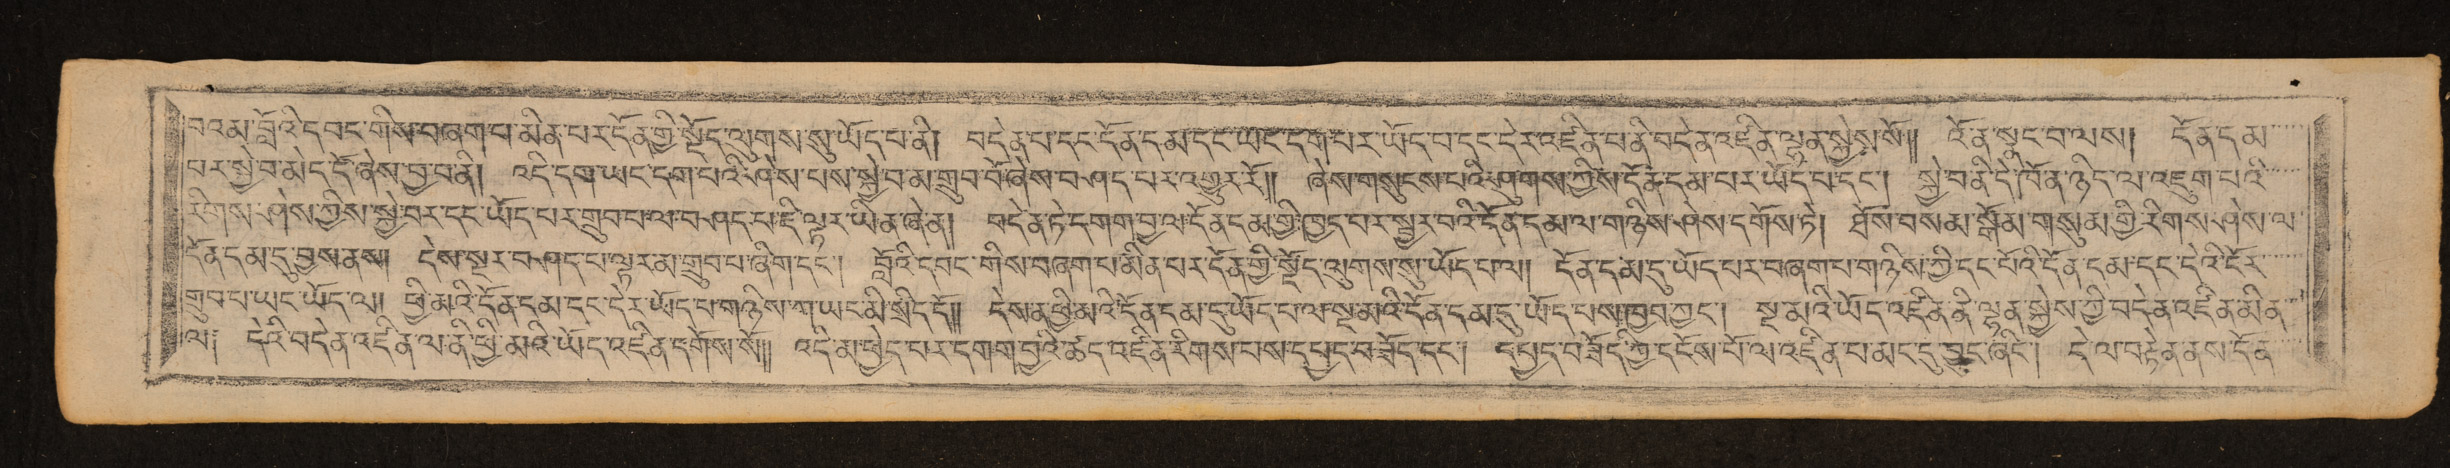བའམ་བློའི་དབང་གིས་བཞག་པ་མིན་པར་དོན་གྱི་སྡོད་ལུགས་སུ་ཡོད་པ་ནི། བདེན་པ་དང་དོན་དམ་དང་ཡང་དག་པར་ཡོད་པ་དང་དེར་འཛིན་པ་ནི་བདེན་འཛིན་ལྷན་སྐྱེས་སོ།། འོ་ན་སྣང་བ་ལས། དོན་དམ་
པར་སྐྱེ་བ་མེད་དོ་ཞེས་བྱ་བ་ནི། འདི་དག་ཡང་དག་པའི་ཤེས་པས་སྐྱེ་བ་མ་གྲུབ་བོ་ཞེས་བཤད་པར་འགྱུར་རོ།། ཞེས་གསུངས་པའི་ཤུགས་ཀྱིས་དོན་དམ་པར་ཡོད་པ་དང་། སྐྱེ་བ་ནི་དེ་ཁོ་ན་ཉིད་ལ་འཇུག་པའི་
རིགས་ཤེས་ཀྱིས་སྐྱེ་བར་དང་ཡོད་པར་གྲུབ་པ་ལ་བཤད་པ་ཇི་ལྟར་ཡིན་ཞེ་ན། བདེན་ཏེ་དགག་བྱ་ལ་དོན་དམ་གྱི་ཁྱད་པར་སྦྱར་བའི་དོན་དམ་ལ་གཉིས་ཤེས་དགོས་ཏེ། ཐོས་བསམ་སྒོམ་གསུམ་གྱི་རིགས་ཤེས་ལ་
དོན་དམ་དུ་བྱས་ནས། དེས་སྔར་བཤད་པ་ལྟར་མ་གྲུབ་པ་གཅིག་དང་། བློའི་དབང་གིས་བཞག་པ་མིན་པར་དོན་གྱི་སྡོད་ལུགས་སུ་ཡོད་པ་ལ། དོན་དམ་དུ་ཡོད་པར་བཞག་པ་གཉིས་ཀྱི་དང་པོའི་དོན་དམ་དང་དེའི་ངོར་
གྲུབ་པ་ཡང་ཡོད་ལ། ཕྱི་མའི་དོན་དམ་དང་དེར་ཡོད་པ་གཉིས་ཀ་ཡང་མི་སྲིད་དོ།། དེས་ན་ཕྱི་མའི་དོན་དམ་དུ་ཡོད་པ་ལ་སྔ་མའི་དོན་དམ་དུ་ཡོད་པས་ཁྱབ་ཀྱང་། སྔ་མའི་ཡོད་འཛིན་ནི་ལྷན་སྐྱེས་ཀྱི་བདེན་འཛིན་མིན་
ལ། དེའི་བདེན་འཛིན་ལ་ནི་ཕྱི་མའི་ཡོད་འཛིན་དགོས་སོ།། འདི་མ་ཕྱེད་པར་དགག་བྱའི་ཚད་འཛིན་རིགས་པས་དཔྱད་བཟོད་དང་། དཔྱད་བཟོད་ཀྱི་དངོས་པོ་ལ་འཛིན་པ་མང་དུ་བྱུང་ཞིང་། དེ་ལ་བརྟེན་ནས་དོན་